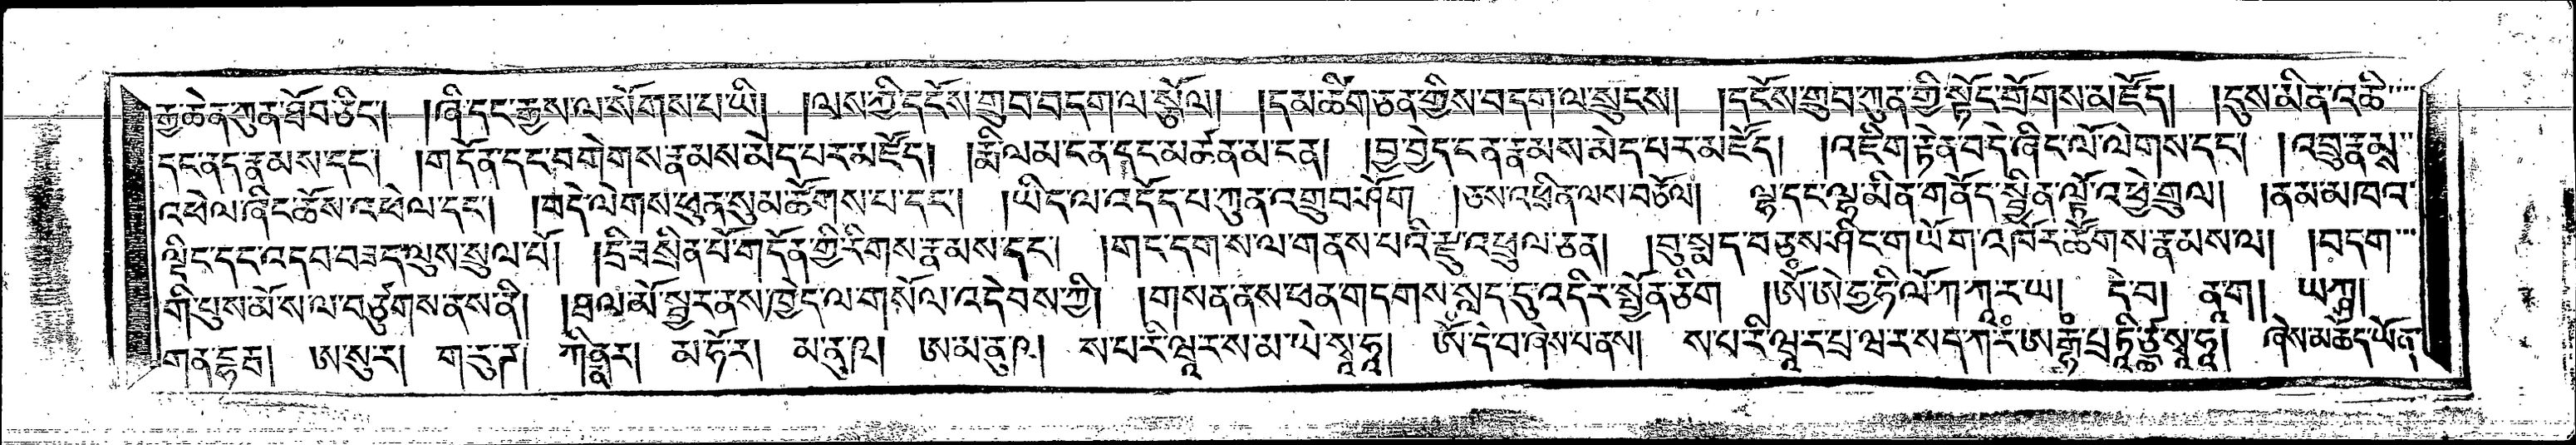རྒྱ་ཆེན་ཀུན་ཐོབ་ཅིང་། །ཞི་དང་རྒྱས་ལ་སོགས་པ་ཡི། །ལས་ཀྱི་དངོས་གྲུབ་བདག་ལ་སྩོལ། །དམ་ཚིག་ཅན་གྱིས་བདག་ལ་སྲུངས། །དངོས་གྲུབ་ཀུན་གྱི་སྟོང་གྲོགས་མཛོད། །དུས་མིན་འཆི་
དང་ནད་རྣམས་དང་། །གདོན་དང་བགེགས་རྣམས་མེད་པར་མཛོད། །རྨི་ལམ་ངན་དང་མཚན་མ་ངན། །བྱ་བྱེད་ངན་རྣམས་མེད་པར་མཛོད། །འཇིག་རྟེན་བདེ་ཞིང་ལོ་ལེགས་དང་། །འབྲུ་རྣམས་
འཕེལ་ཞིང་ཆོས་འཕེལ་དང་། །བདེ་ལེགས་ཕུན་སུམ་ཚོགས་པ་དང་། །ཡིད་ལ་འདོད་པ་ཀུན་འགྲུབ་ཤོག །ཅས་འཕྲིན་ལས་བཅོལ། ལྷ་དང་ལྷ་མིན་གནོད་སྦྱིན་ལྟོ་འཕྱེ་གྲུལ། །ནམ་མཁའ་
ལྡིང་དང་འདབ་བཟད་ལུས་སྲུལ་པོ། །དྲི་ཟ་སྲིན་པོ་གདོན་གྱི་རིགས་རྣམས་དང་། །གང་དག་ས་ལ་གནས་པའི་རྫུ་འཕྲུལ་ཅན། །བུ་སྨད་བཅས་ཤིང་གཡོག་འཁོར་ཚོགས་རྣམས་ལ། །བདག་
གི་པུས་མོ་ས་ལ་བཙུགས་ནས་ནི། །ཐལ་མོ་སྦྱར་ནས་ཁྱེད་ལ་གསོལ་འདེབས་ཀྱི། །གསན་ནས་ཕན་གདགས་སླད་དུ་འདིར་སྤྱོན་ཅིག །ཨོཾ་ཨེ་ཧྱ་ཧི་ལོ་ཀ་ཀཱ་ར་ཡ། དེ་བ། ནཱ་ག །ཡཀྴ།
གན་དྷརྦ། ཨ་སུ་ར། ག་རུ་ཌ། ཀི་ནྨར། མ་ཧོ་ར། མ་ནུ་ཥ། ཨ་མ་ནུ་ཥ། ས་པ་རི་ཝཱ་ར་ས་མ་ཡེ་སྭཱ་ཧཱ། ཨོཾ་དེ་བ་ཞེས་པ་ནས། ས་པ་རི་ཝཱ་ར་པྲ་ཝཱ་ར་སད་ཀ་རཾ་ཨརྒྷཾ་པྲཏཱི་ཙྪ་སྭཱ་ཧཱ། ཞེས་མཆོད་ཡོན་